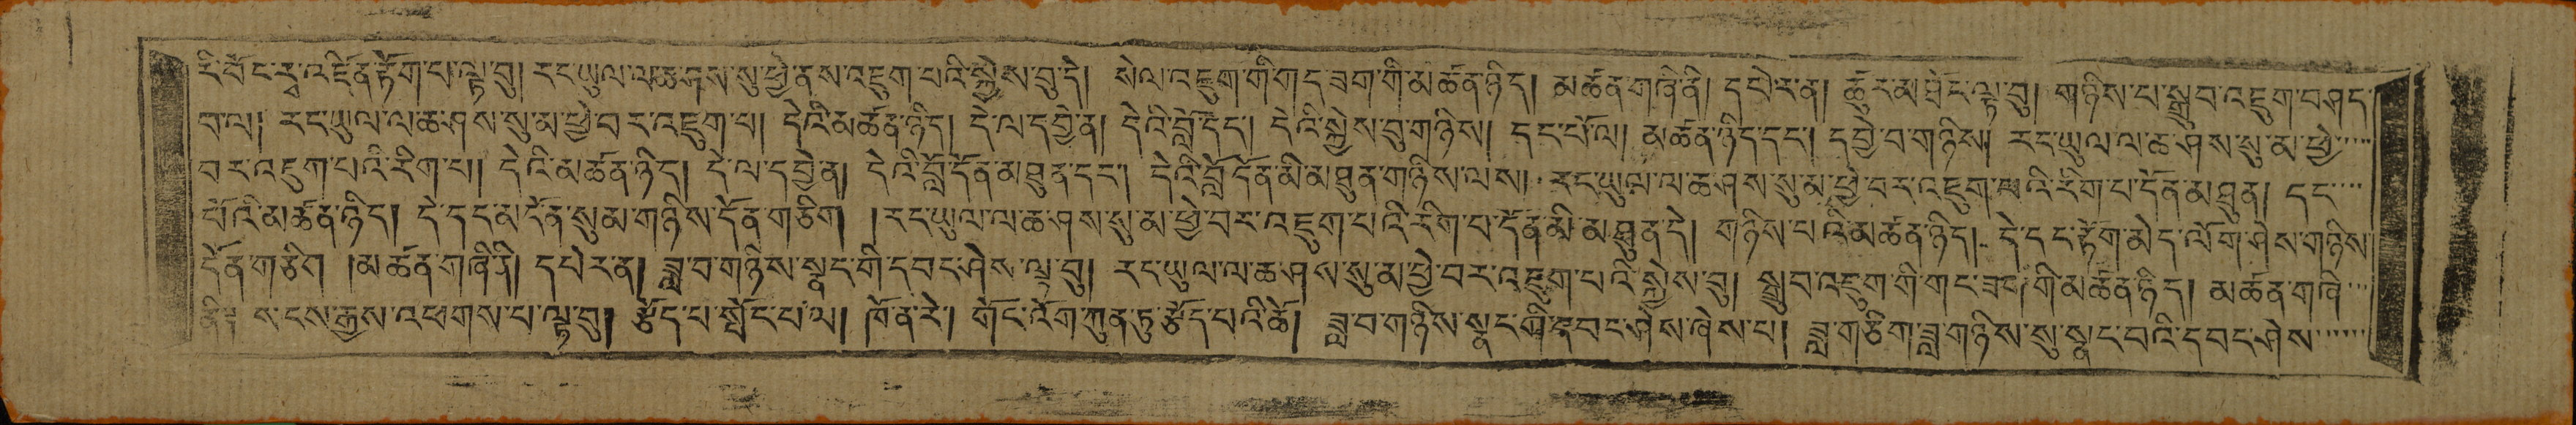རི་བོང་རྭ་འཛིན་རྟོག་པ་ལྟ་བུ། རང་ཡུལ་ལ་ཆ་ཤས་སུ་ཕྱེ་ནས་འཇུག་པའི་སྐྱེས་བུ་དེ། སེལ་འཇུག་གི་གང་ཟག་གི་མཚན་ཉིད། མཚན་གཞི་ནི། དཔེར་ན། ཚུར་མཐོང་ལྟ་བུ། གཉིས་པ་སྒྲུབ་འཇུག་བཤད་
བ་ལ། རང་ཡུལ་ལ་ཆ་ཤས་སུ་མ་ཕྱེ་བར་འཇུག་པ། དེའི་མཚན་ཉིད། དེ་ལ་དབྱེ་ན། དེའི་བློ་དང་། དེའི་སྐྱེས་བུ་གཉིས། དང་པོ་ལ། མཚན་ཉིད་དང་། དབྱེ་བ་གཉིས། རང་ཡུལ་ལ་ཆ་ཤས་སུ་མ་ཕྱེ་
བར་འཇུག་པའི་རིག་པ། དེའི་མཚན་ཉིད། དེ་ལ་དབྱེ་ན། དེའི་བློ་དོན་མཐུན་དང་། དེའི་བློ་དོན་མི་མཐུན་གཉིས་ལས། རང་ཡུལ་ལ་ཆ་ཤས་སུ་མ་ཕྱེ་བར་འཇུག་པའི་རིག་པ་དོན་མཐུན། དང་
པོའི་མཚན་ཉིད། དེ་དང་མངོན་སུམ་གཉིས་དོན་གཅིག །རང་ཡུལ་ལ་ཆ་ཤས་སུ་མ་ཕྱེ་བར་འཇུག་པའི་རིག་པ་དོན་མི་མཐུན་དེ། གཉིས་པའི་མཚན་ཉིད། དེ་དང་རྟོག་མེད་ལོག་ཤེས་གཉིས་
དོན་གཅིག །མཚན་གཞི་ནི། དཔེར་ན། ཟླ་བ་གཉིས་སྣང་གི་དབང་ཤེས་ལྟ་བུ། རང་ཡུལ་ལ་ཆ་ཤས་སུ་མ་ཕྱེ་བར་འཇུག་པའི་སྐྱེས་བུ། སྒྲུབ་འཇུག་གི་གང་ཟག་གི་མཚན་ཉིད། མཚན་གཞི་
ནི༑ སངས་རྒྱས་འཕགས་པ་ལྟ་བུ། རྩོད་པ་སྤོང་པ་ལ། ཁོ་ན་རེ། གོང་འོག་ཀུན་ཏུ་རྩོད་པའི་ཚེ། ཟླ་བ་གཉིས་སྣང་གི་དབང་ཤེས་ཞེས་པ། ཟླ་གཅིག་ཟླ་གཉིས་སུ་སྣང་བའི་དབང་ཤེས་